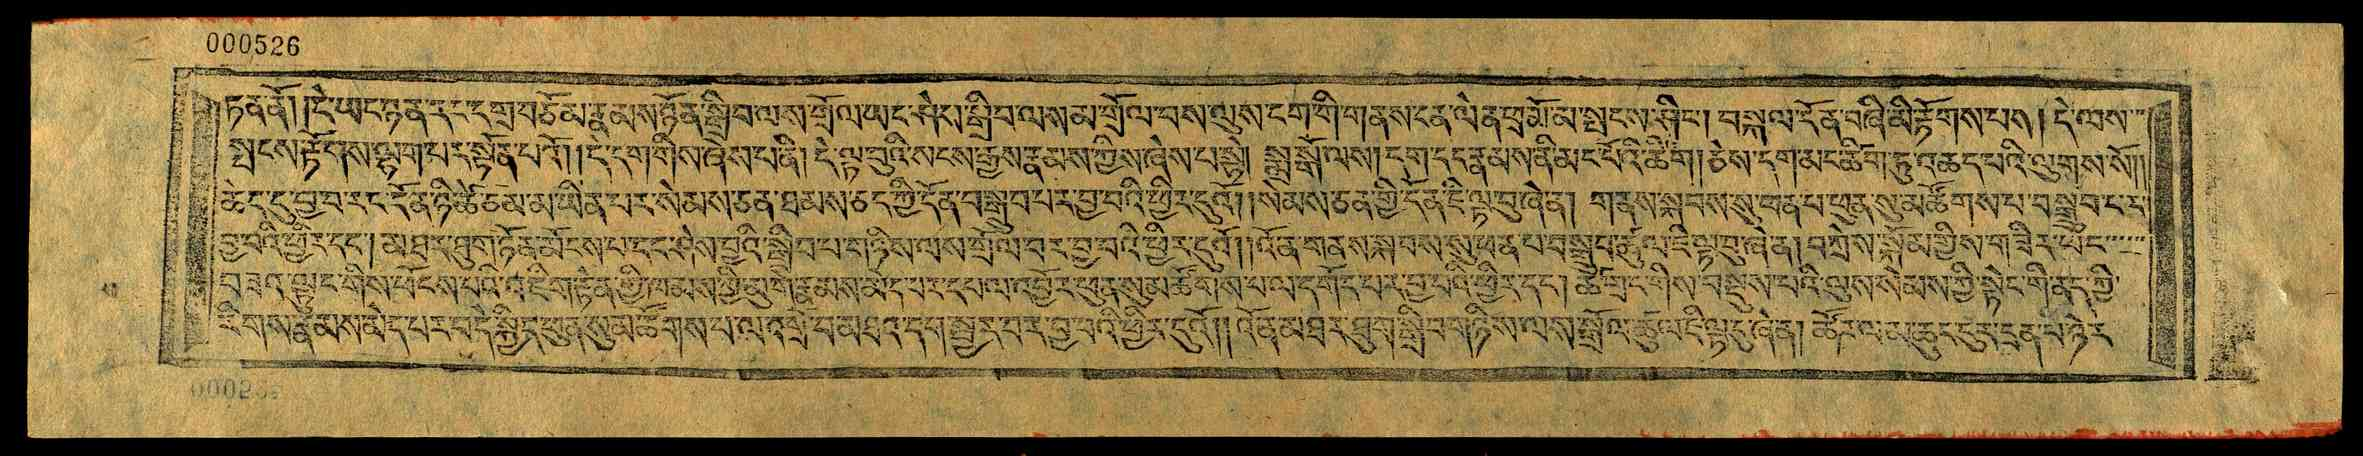ཏན་ནོ། །དེ་ཡང་ཉན་རང་དགྲ་བཅོམ་རྣམས་ཉོན་སྒྲིབ་ལས་གྲོལ་ཡང་ཤེས་སྒྲིབ་ལས་མ་གྲོལ་བས་ལུས་ངག་གི་གནས་ངན་ལེན་ཕྲ་མོ་མ་སྤངས་ཤིང་། བསྐལ་དོན་བཞི་མི་རྟོགས་པས། དེ་ལས་
སྤངས་རྟོགས་ལྷག་པར་སྟོན་པའོ། །དེ་དག་གིས་ཞེས་པ་ནི། དེ་ལྟ་བུའི་སངས་རྒྱས་རྣམས་ཀྱིས་ཞེས་པ་སྟེ། སྨྲ་སྒོ་ལས། དག་དང་རྣམས་ནི་མང་པོའི་ཚིག། ཅེས་དག་མང་ཚིག་ཏུ་འཆད་པའི་ལུགས་སོ།།
ཆེད་དུ་བྱ་བ་རང་དོན་ཉེ་ཚེ་ཙམ་མ་ཡིན་པར་སེམས་ཅན་ཐམས་ཅད་ཀྱི་དོན་བསྒྲུབ་པར་བྱ་བའི་ཕྱིར་དུའོ། །སེམས་ཅན་གྱི་དོན་ཇི་ལྟ་བུ་ཞེ་ན། གནས་སྐབས་སུ་ཕན་པ་ཕུན་སུམ་ཚོགས་པ་བསྒྲུབ་པར་
བྱ་བའི་ཕྱིར་དང་། མཐར་ཐུག་ཉོན་མོངས་པ་དང་ཤེས་བྱའི་སྒྲིབ་པ་གཉིས་ལས་གྲོལ་བར་བྱ་བའི་ཕྱིར་དུའོ། །འོ་ན་གནས་སྐབས་སུ་ཕན་པ་བསྒྲུབ་ཚུལ་ཇི་ལྟ་བུ་ཞེ་ན། བཀྲེས་སྐོམ་གྱིས་གཟིར་ཡང་
བཟའ་ལྟུང་གིས་ཕོངས་པའི་འཇིག་རྟེན་གྱི་ཁམས་ཀྱི་མུ་གེ་རྣམས་མེད་པར་དཔལ་འབྱོར་ཕུན་སུམ་ཚོགས་པ་ལ་དགོང་པར་བྱ་བའི་ཕྱིར་དང་། ཚེ་གྲང་གིས་བསྡུས་པའི་ལུས་སེམས་ཀྱི་སྟེང་གི་ནད་ཀྱི་
རིགས་རྣམས་མེད་པར་བདེ་སྐྱིད་ཕུན་སུམ་ཚོགས་པ་ལ་འགྲོ་བ་མཐའ་དག་སྦྱར་བར་བྱ་བའི་ཕྱིར་དུའོ། །འོ་ན་མཐར་ཐུག་སྒྲིབ་གཉིས་ལས་སྒྲོལ་ཚུལ་ཇི་ལྟ་བུ་ཞེ་ན། ཚོཌ་ལམ་ཆུང་ངུར་དྲན་པ་ཉེར་